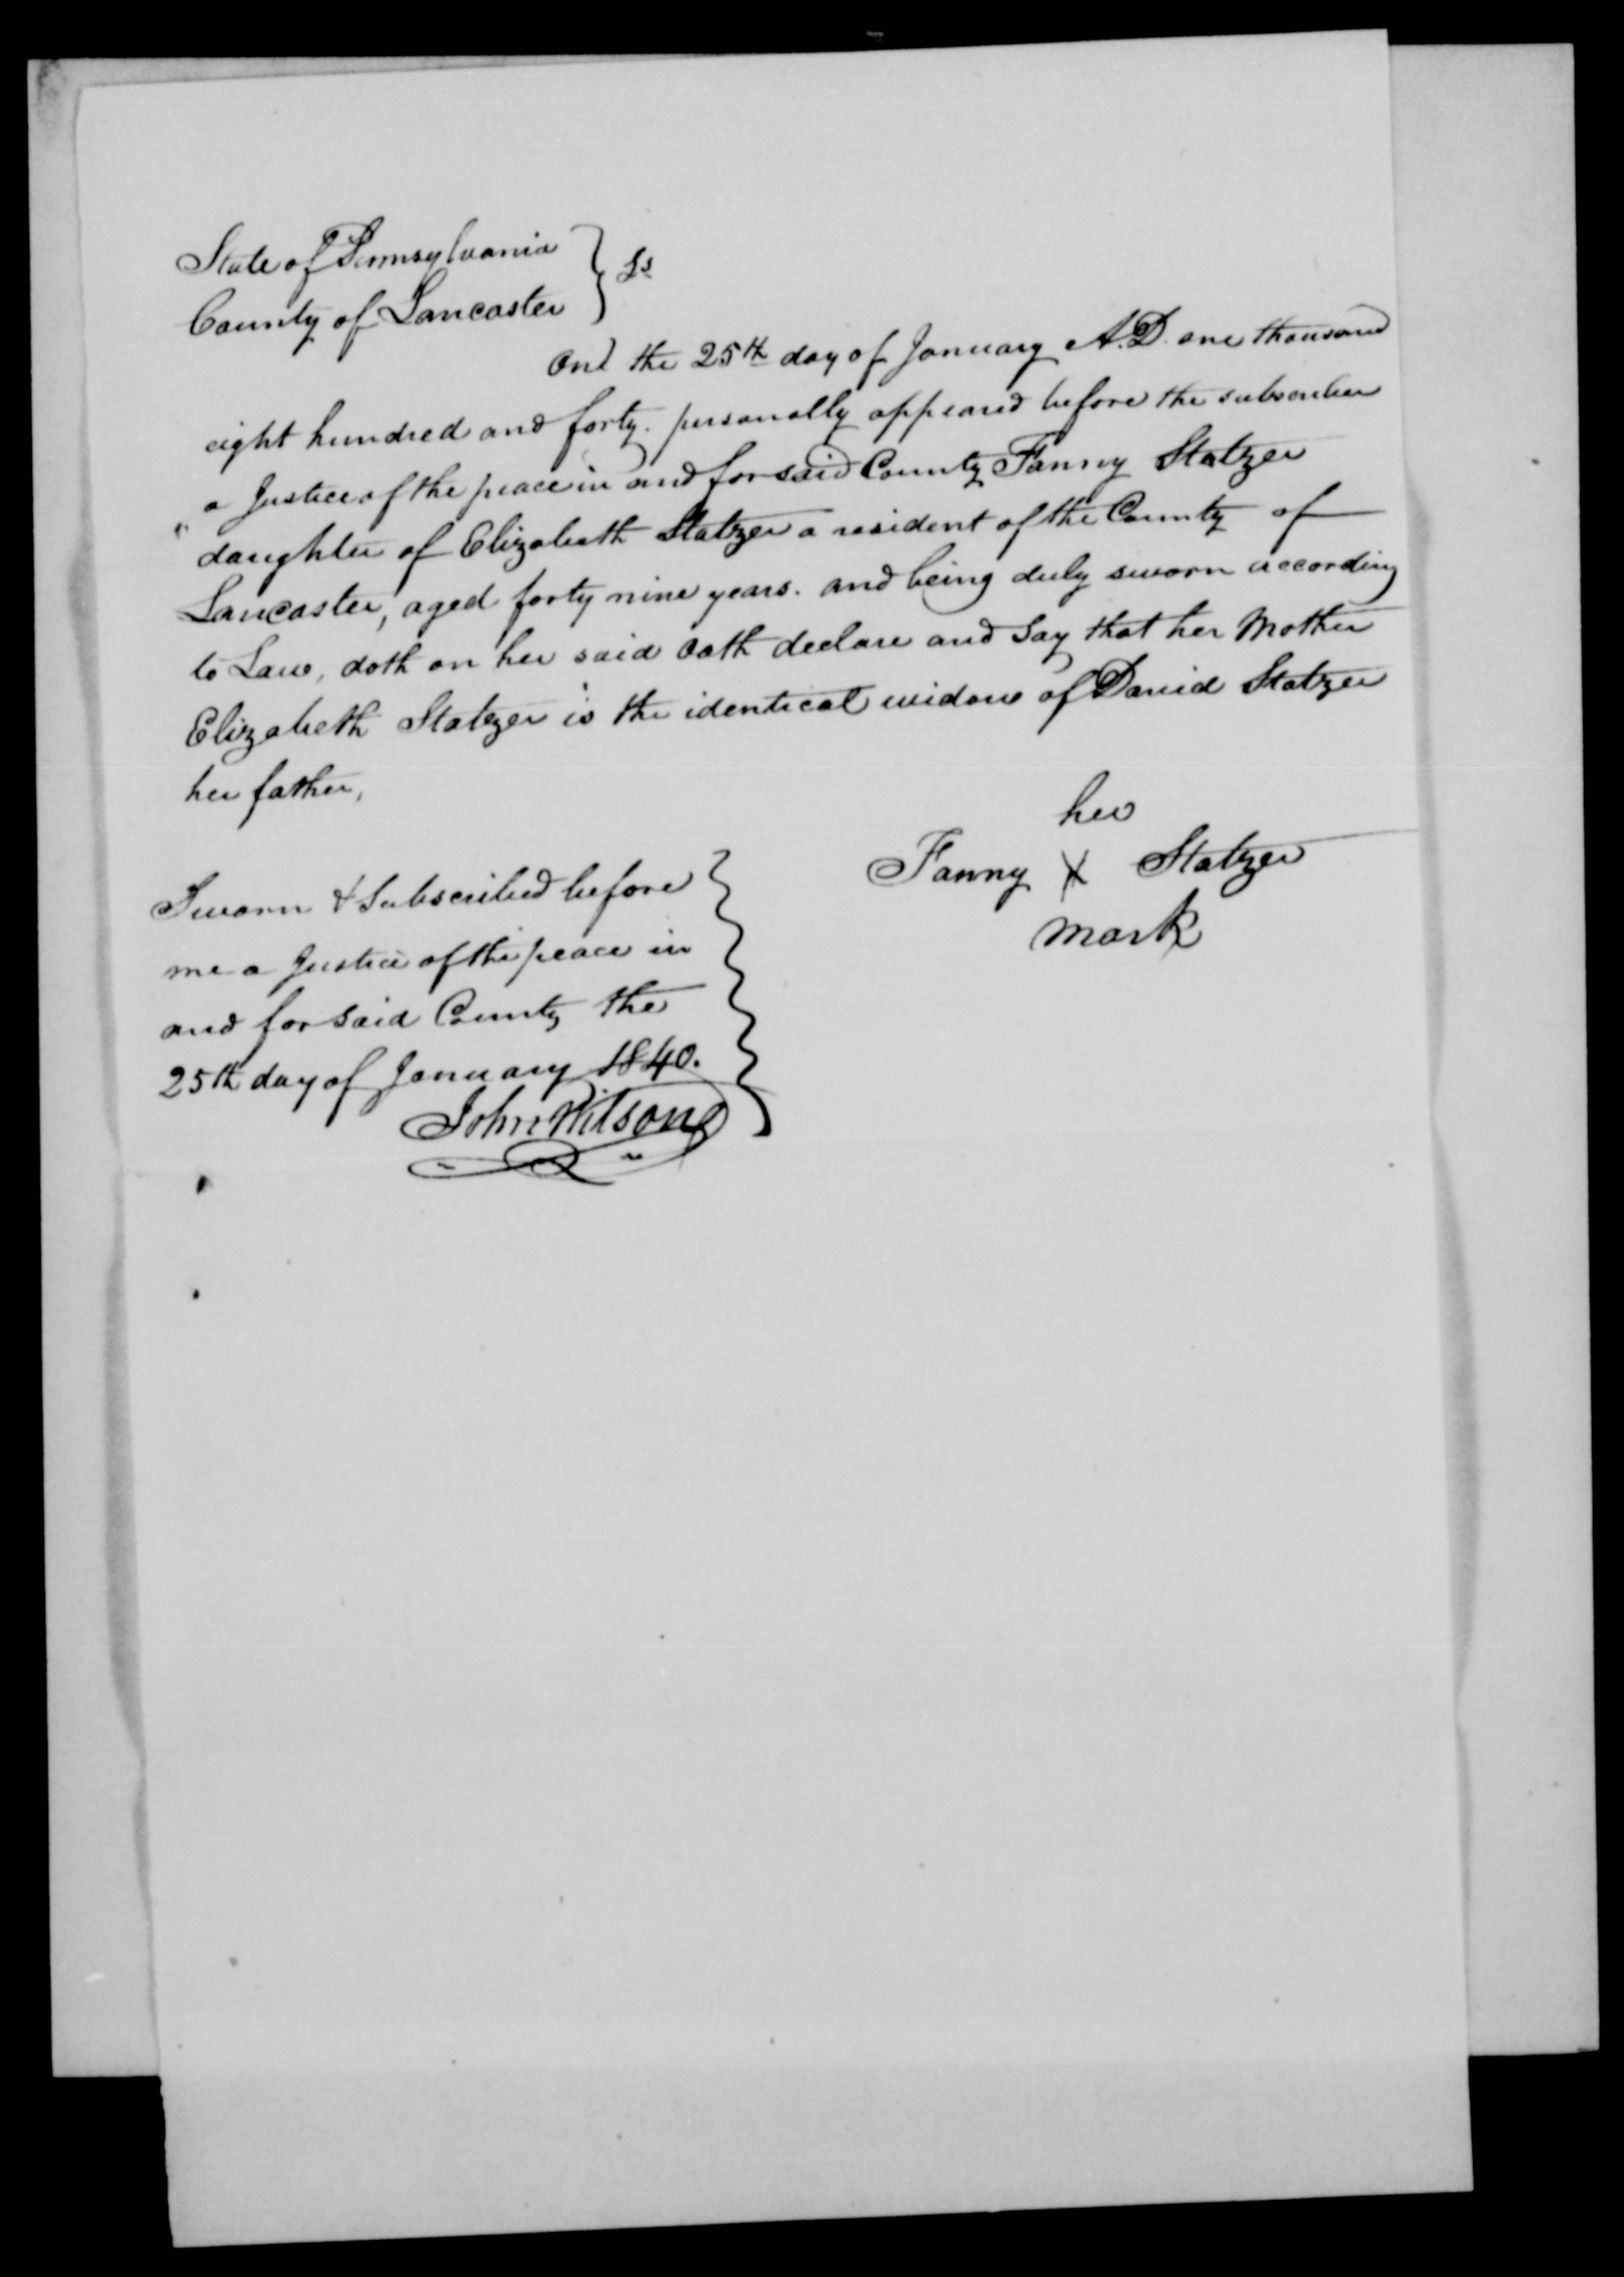State of Pennsylvania
County of Lancaster, SS.
On the 25th day of January A.D. one thousand eight hundred and forty, personally appeared before the subscribed, a Justice of the peace in and for said County,  Fanny Statzer, daughter of Elizabeth Statzer, a resident of the County of Lancaster, aged forty nine years, and being duly sworn according to Law, doth on her said oath declare and say that her mother, Elizabeth Statzer, is the identical widow of David Statzer, her father.
Fanny Statzer [her mark]
Sworn and subscribed before me, a Justice of the peace in and for said County, the 25th day of January 1840.
John Wilson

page: 15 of 28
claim: widow's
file: W. 3163, for David Statser, Pennsylvania